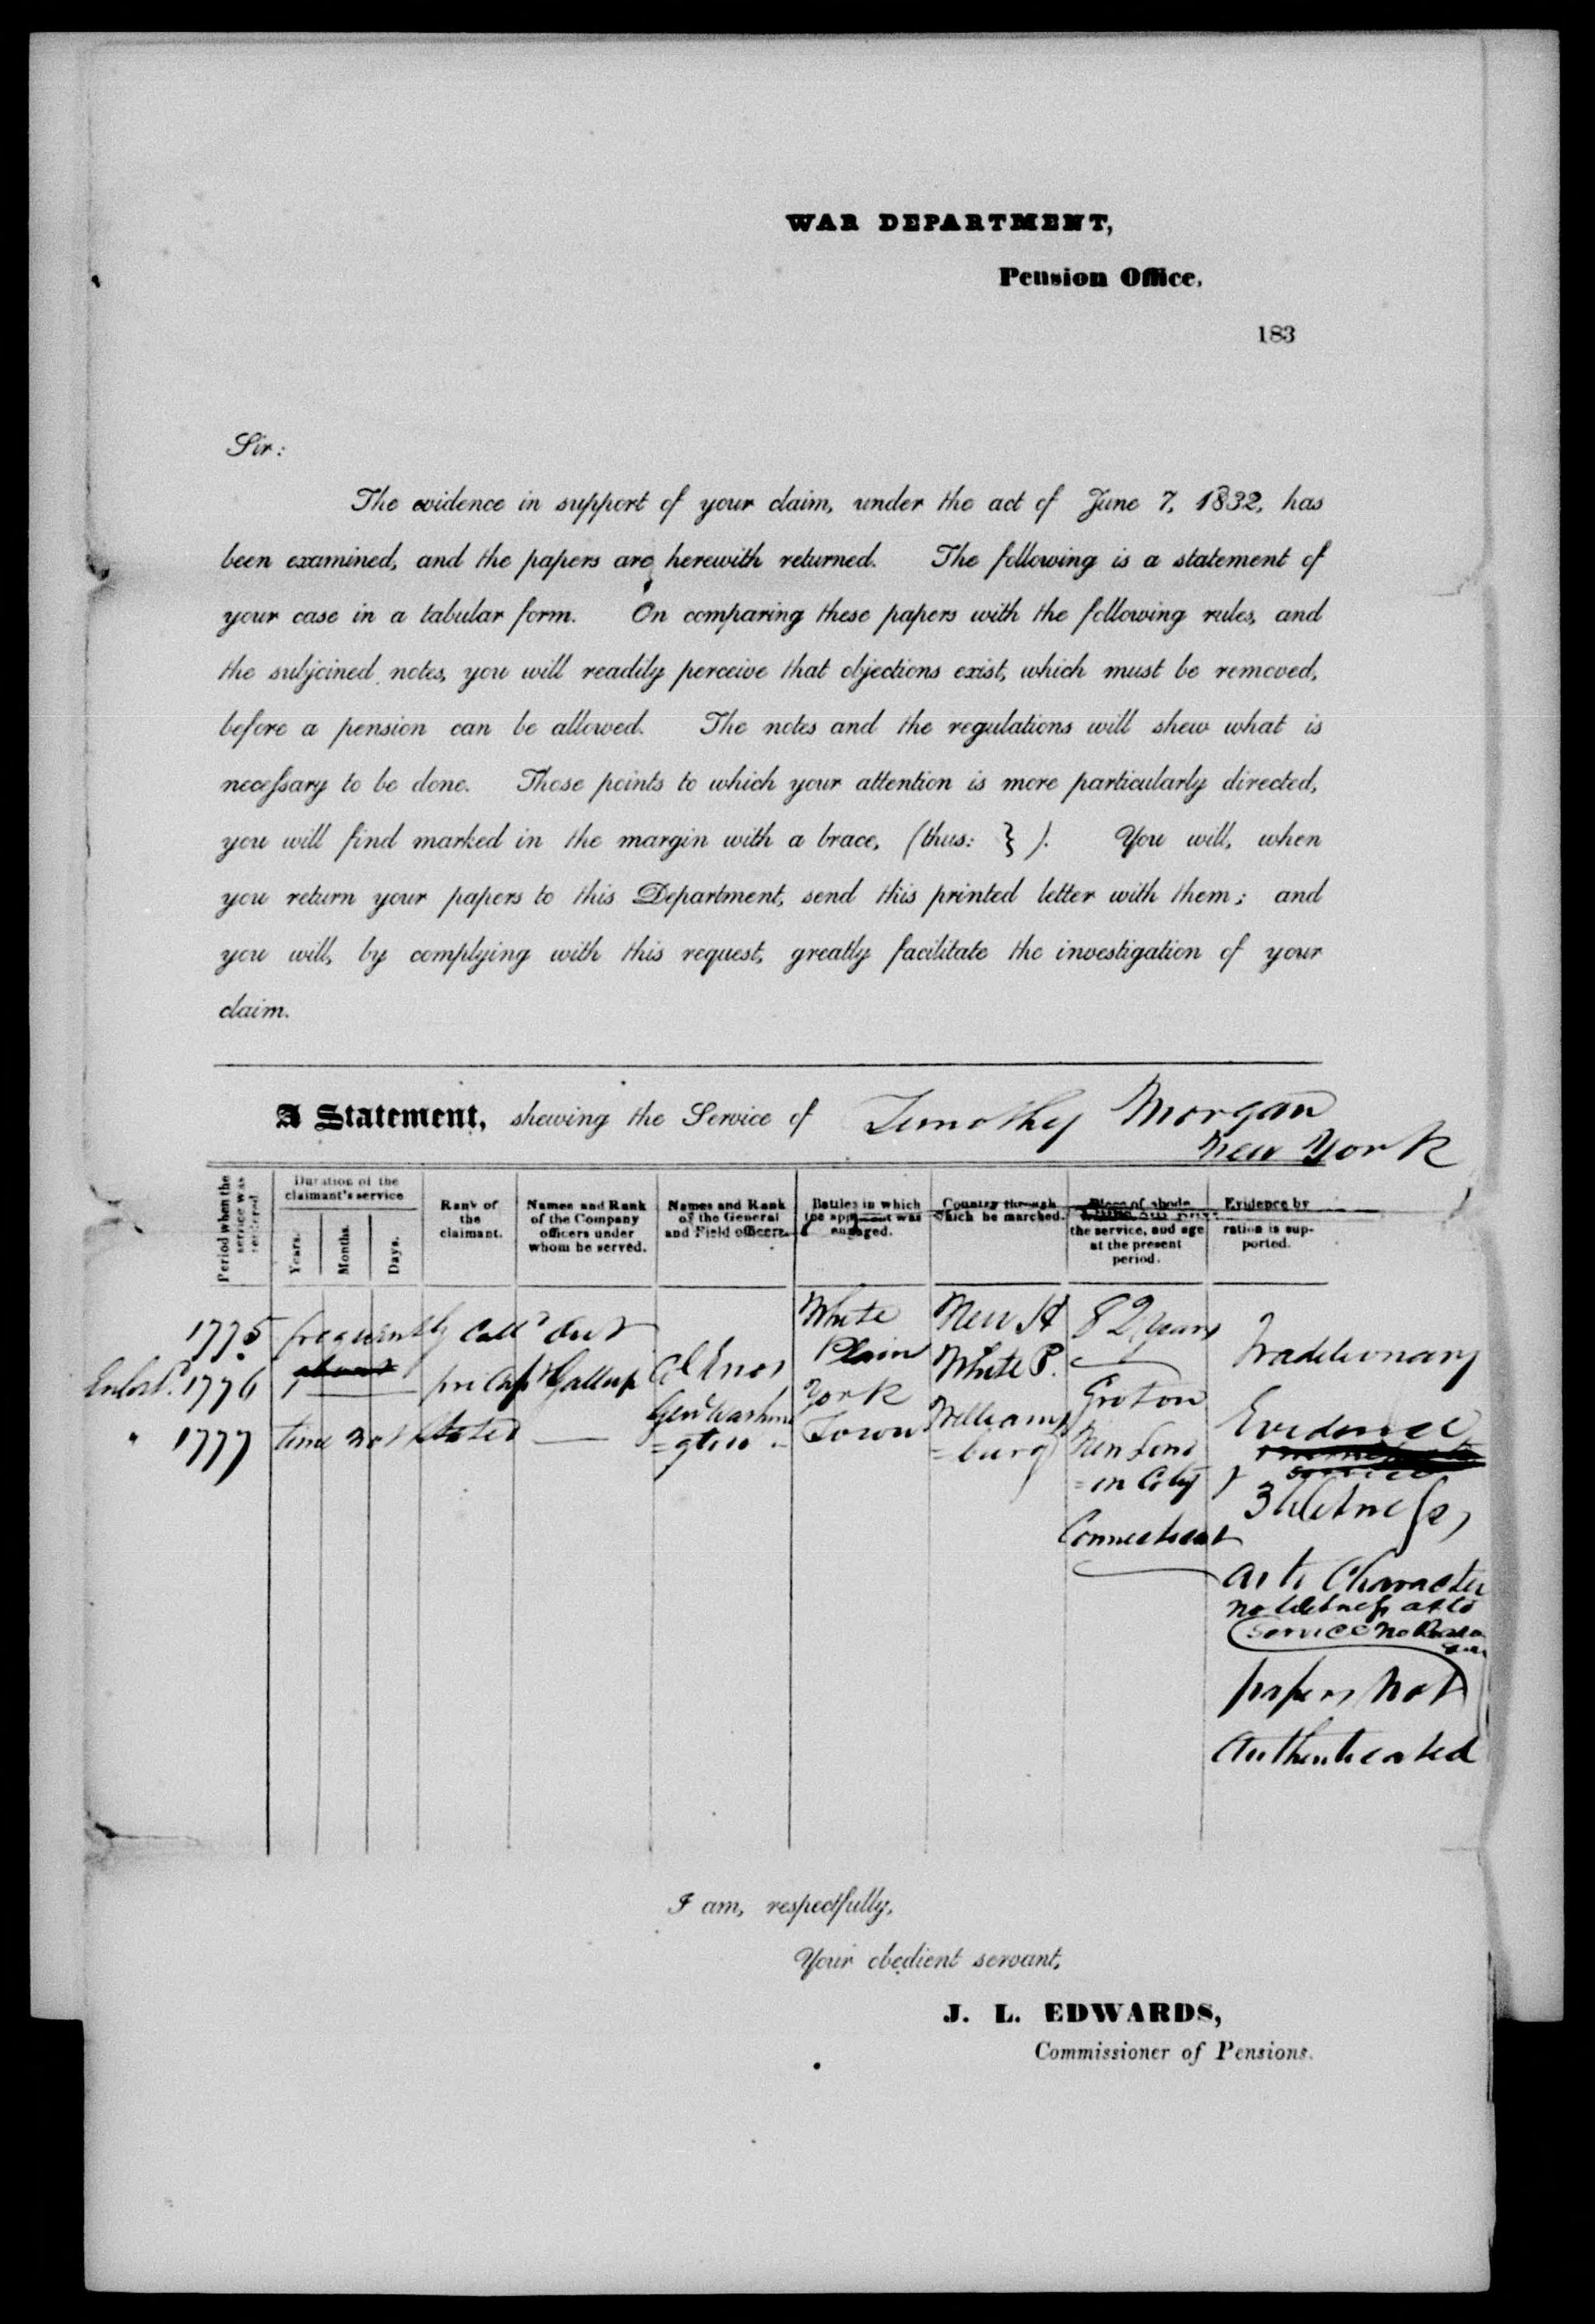WAR DEPARTMENT.
Pension Office,
183
Sir:
The evidence in support of your claim, under the act of June 7, 1832, has
been examined, and the papers are herewith returned. The following is a statement of
your case in a tabular form. On comparing these papers with the following rules, and
the subjoined notes, you will readily perceive that objections exist, which must be removed,
before a pension can be allowed. the notes and the regulations will shew what is
necessary to be done. These points to which your attention is more particularly directed,
you will find marked in the margin with a brace, (thus: }). You will, when
you return your papers to this Department, send this printed letter with them; and
you will, by complying with this request, greatly facilitate the investigation of your
claim.
Statement, showing the service of Timothy Morgan
New York
Period when the service was rendered. / Duration of the
claimant's service. Years. Months. Days. / Rank of the claimant. / Names and Rank of the Company officers under whom he served. / Battles in which applicant was engaged. / Country through which he marched. / 
-
Enlist 1778
1777

New



frequently call dur ┃
┃ pril Gallup
line noted
-
Name and Rank
and Field officer
Elinor
Gen Washington


White
Plain
┃ York
Town
I am, respectfully,
the service, and age
at the present
period.
┃ New H ┃
8 Mar
White P.
William Groton
burgh
New Lond
in City
Connection
Your obedient servant,
ration is supported
.
York
Traditionary
2
3 Witness
as to character
No Wednesanto
Service
pershot
authenticated
J. L. EDWARDS,
Commissioner of Pensions.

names: [BLANK] Enos; Timothy Morgan; J L Edwards; [BLANK] Washington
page: 5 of 19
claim: rejected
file: R 7390, for Timothy Morgan, Connecticut